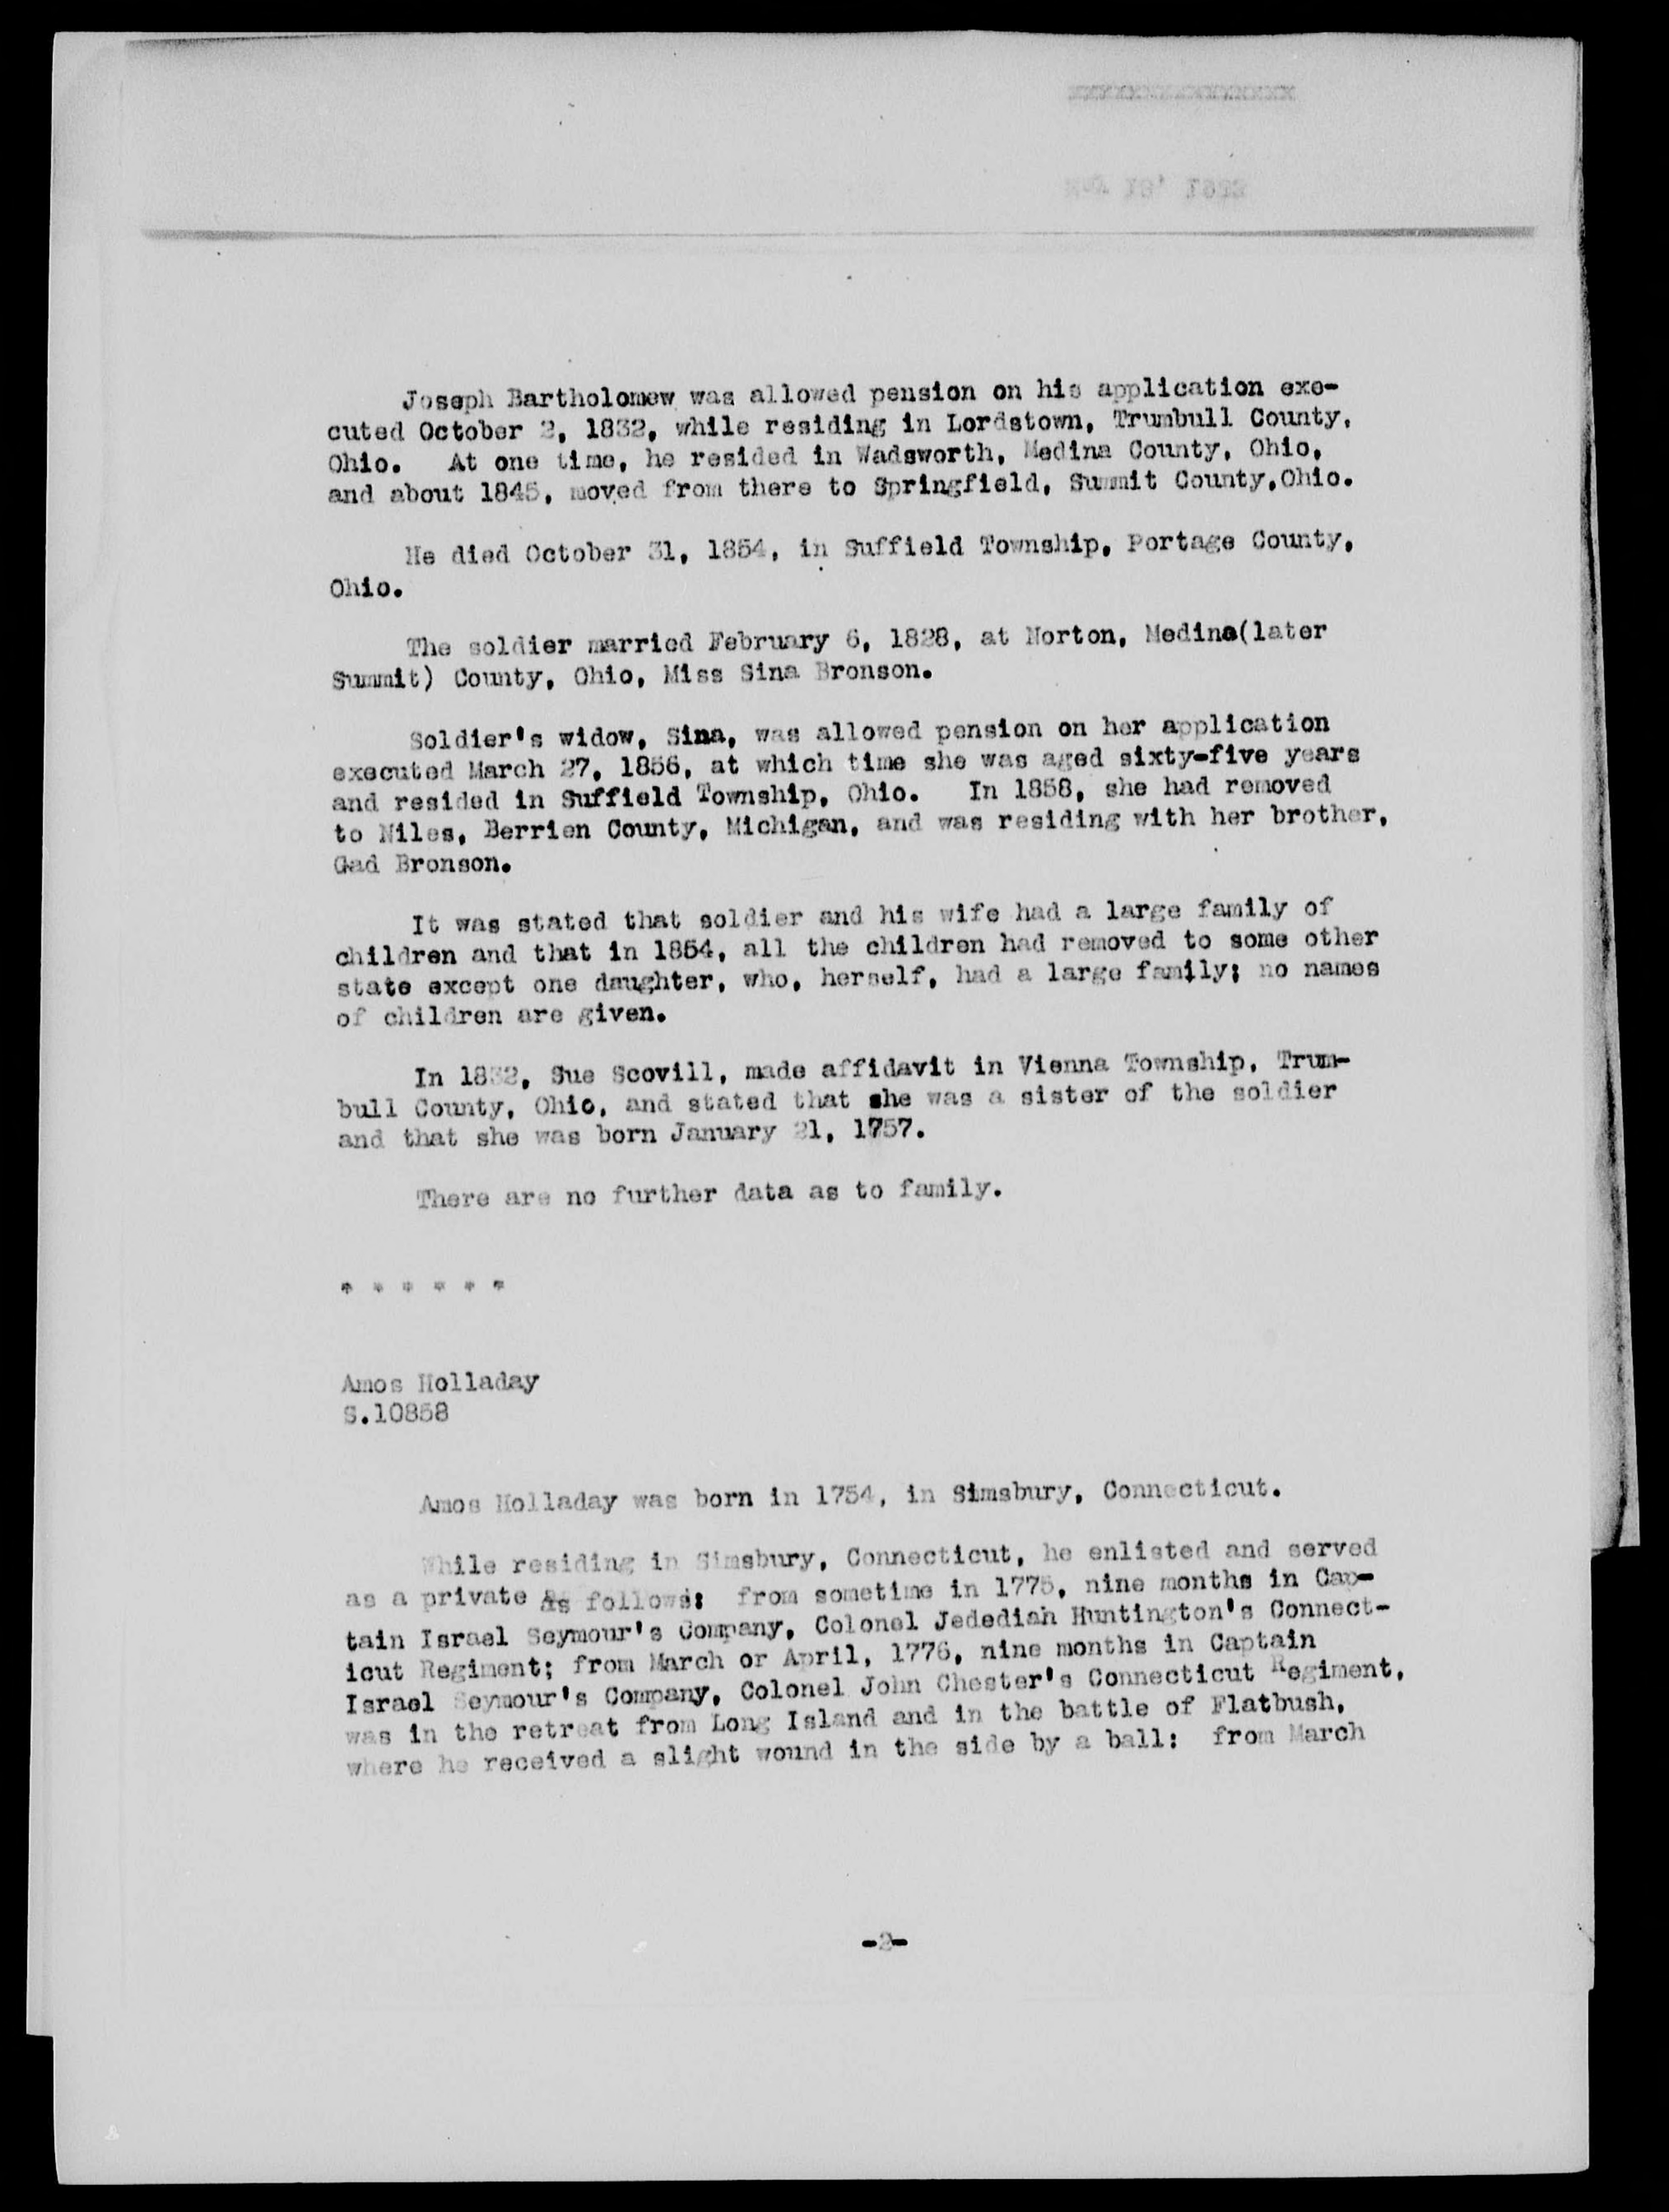Joseph Bartholomew was allowed pension on his application executed
October 2, 1832, while residing in Lordstown, Trumbull County,
Ohio. At one time, he resided in Wadsworth, Medina County, Ohio,
and about 1845, moved from there to Springfield, Summit County, Ohio.
He died October 31, 1854, in Suffield Township, Portage County,
Ohio.
The soldier married February 6, 1828, at Morton, Medina (later
Summit) County, Ohio, Miss Sina Bronson
Soldier's widow, Sina, was allowed pension on her application
executed March 27, 1856, at which time she was aged sixty-five years
and resided in Suffield Township, Ohio. In 1858, she had removed
to Niles, Berrien County, Michigan, and was residing with her brother,
Gad Bronson.
It was stated that soldier and his wife had a large family of
children and that in 1864, all the children had removed to some other
state except one daughter, who, herself, had a large family of; no names
of children are given.
In 1832, Sue Scovill, made affidavit in Vienna Township Trun
bull County, Ohio, and stated that she was a sister of the soldier
and that she was born January 31, 1757.
There are no further data as to family.
Amos Holladay
S. 10858
Amos Holladay was born in 1754, in Simsbury, Connecticut.
While residing in Simsbury, Connecticut, he enlisted and served
as a private as follows: from sometime in 1775, nine months in Captain
Israel Seymour's Company, Colonel Jedediah Huntington's Connectiicut
Regiment; from March or April, 1776, nine months in Captain
Israel Seymour's Company, Colonel John Chester's Connecticut Regiment,
was in the retreat from Long Island and in the battle of Flatbush,
where he received a slight wound in the side by a ball from March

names: Sina Bronson, Amos Holladay, Sina, Joseph Bartholomew, Amos Holladay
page: 73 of 76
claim: widow's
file: W. 9345, Joseph Bartholomew, Conn.